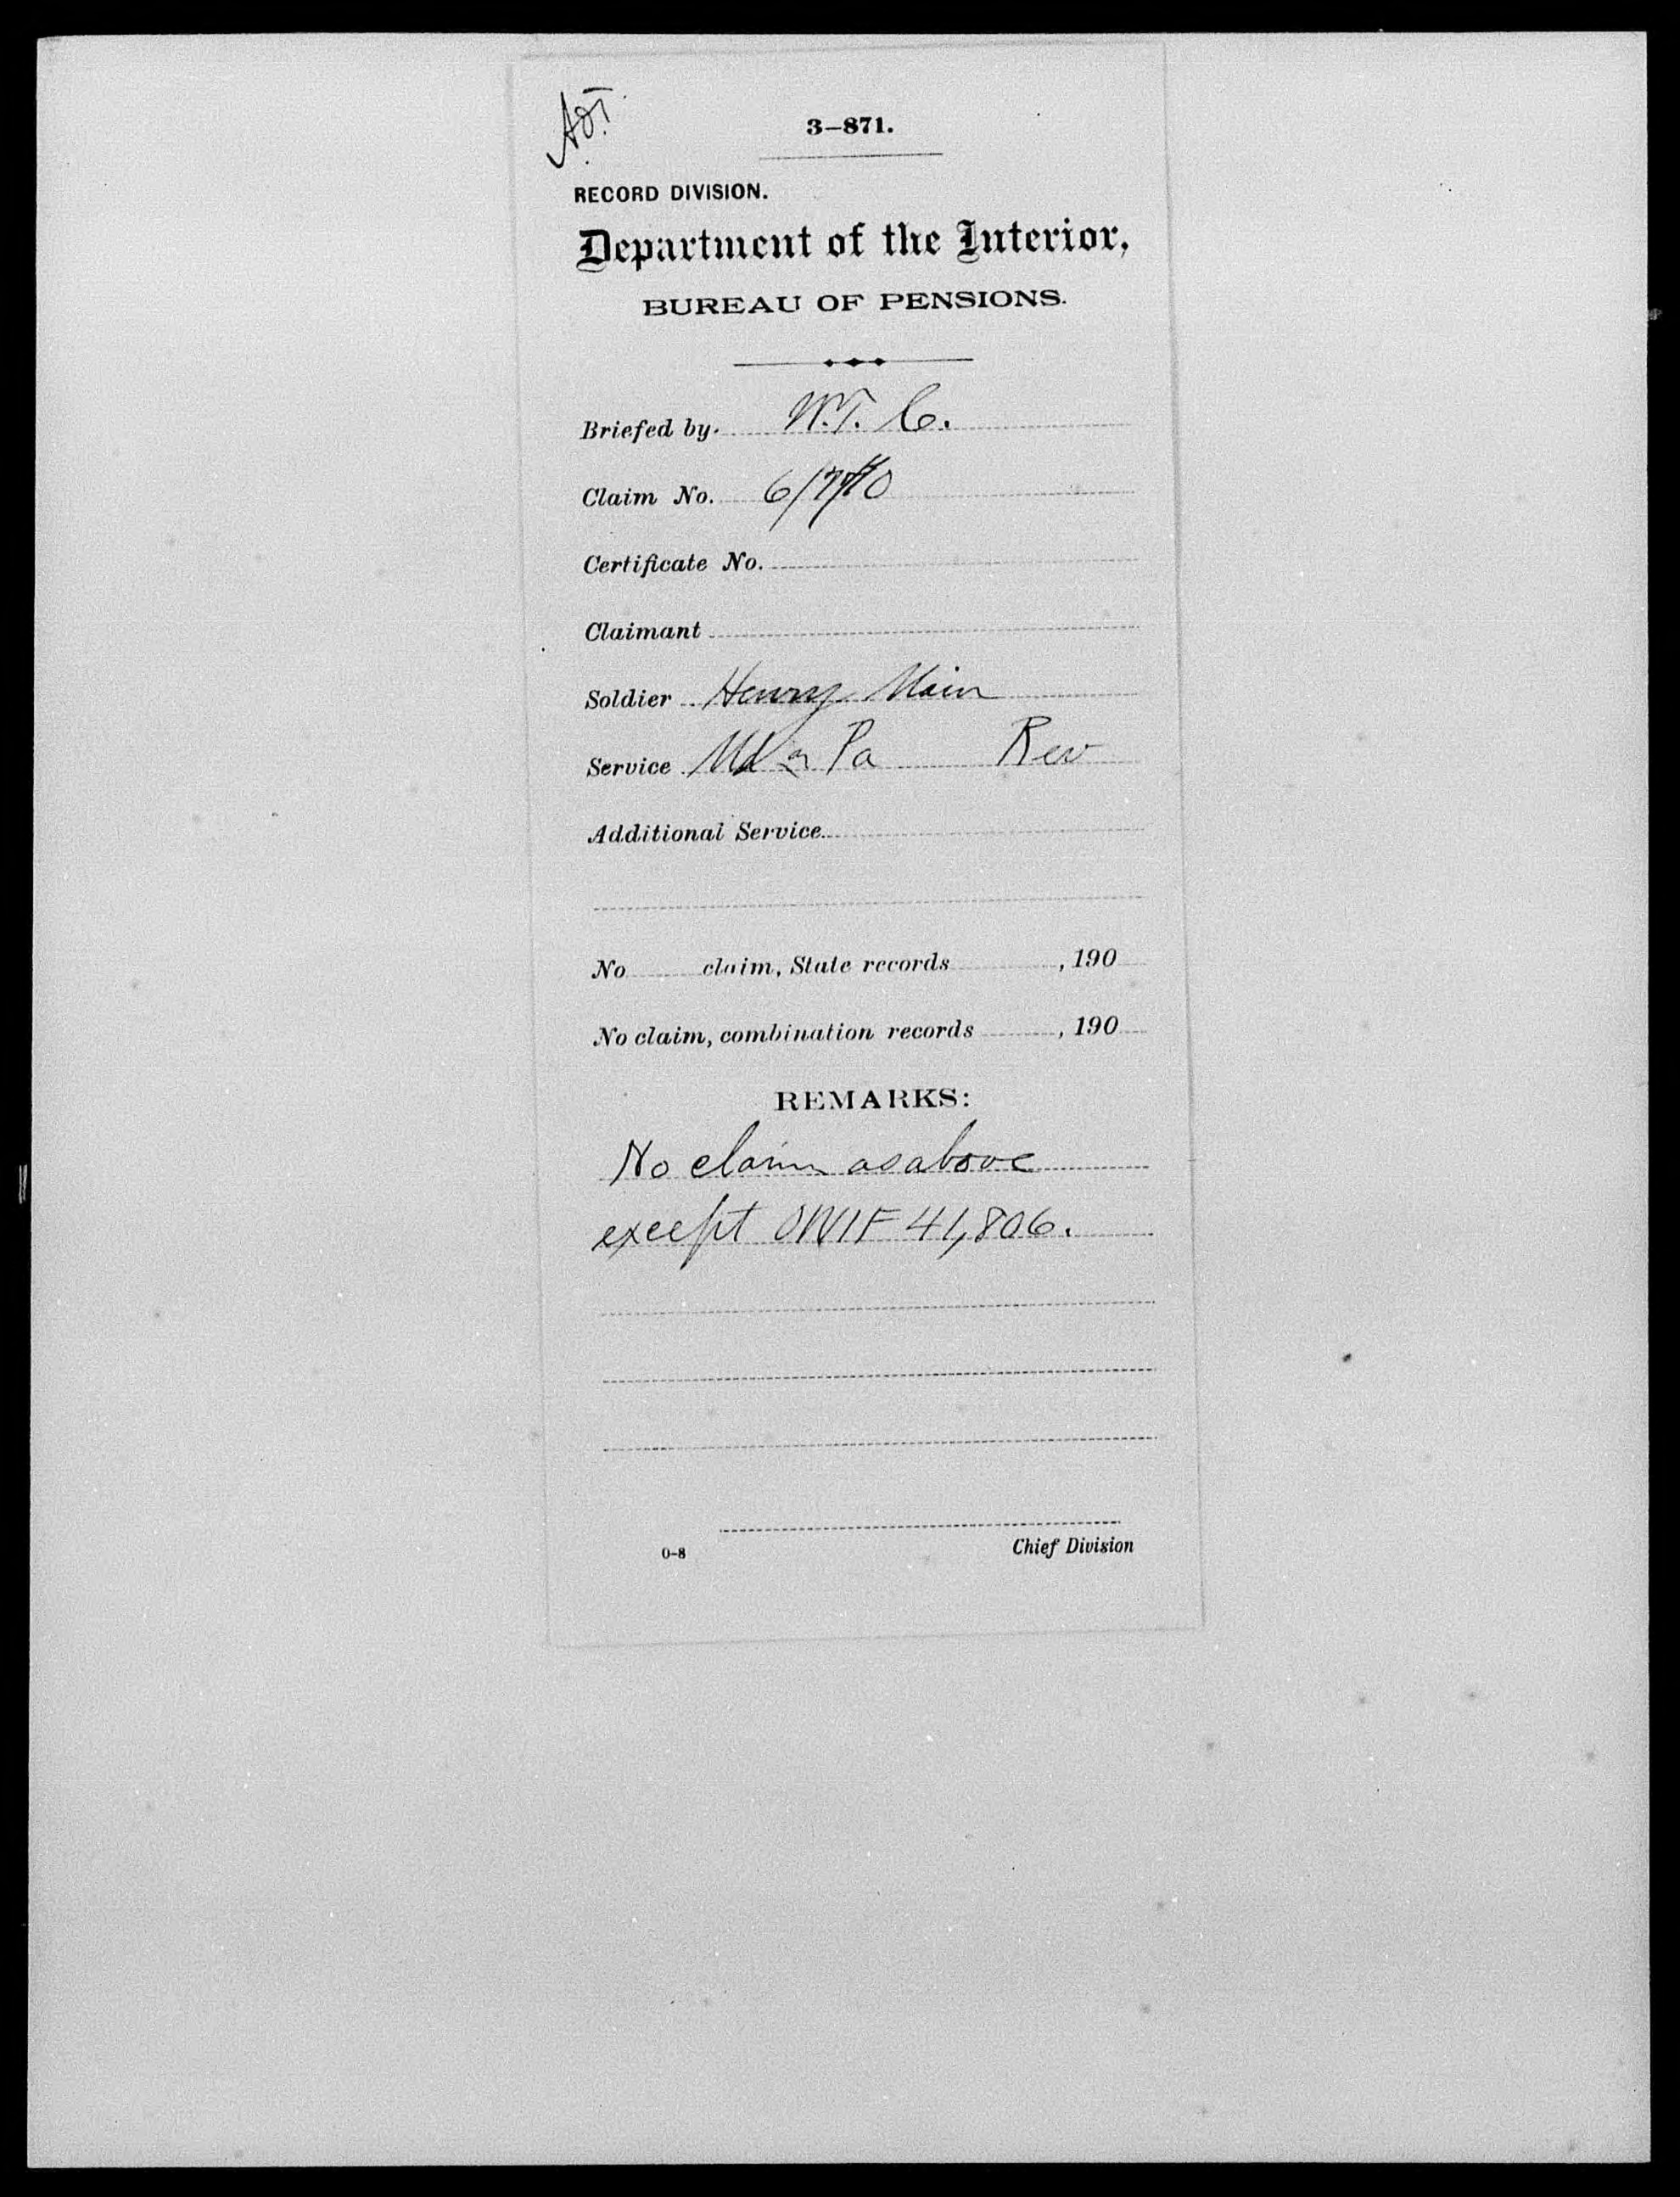3 - 871.
RECORD DIVISION.
Department of the Interior,
BUREAU OF PENSIONS.

Briefed by W.T. C.
Claim No. 6/7/10

Certificate No.
Claimant
Soldier Henry Main
Service Md. or Pa. Rev
Additional Service.
No.
claim, State records 190_
No claim, combination records, 190_
REMARKS:
No claim as above
except OWIF 41,806.
Chief Division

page: 9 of 13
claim: survivor's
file: S. 41806, for Henry Main, Maryland